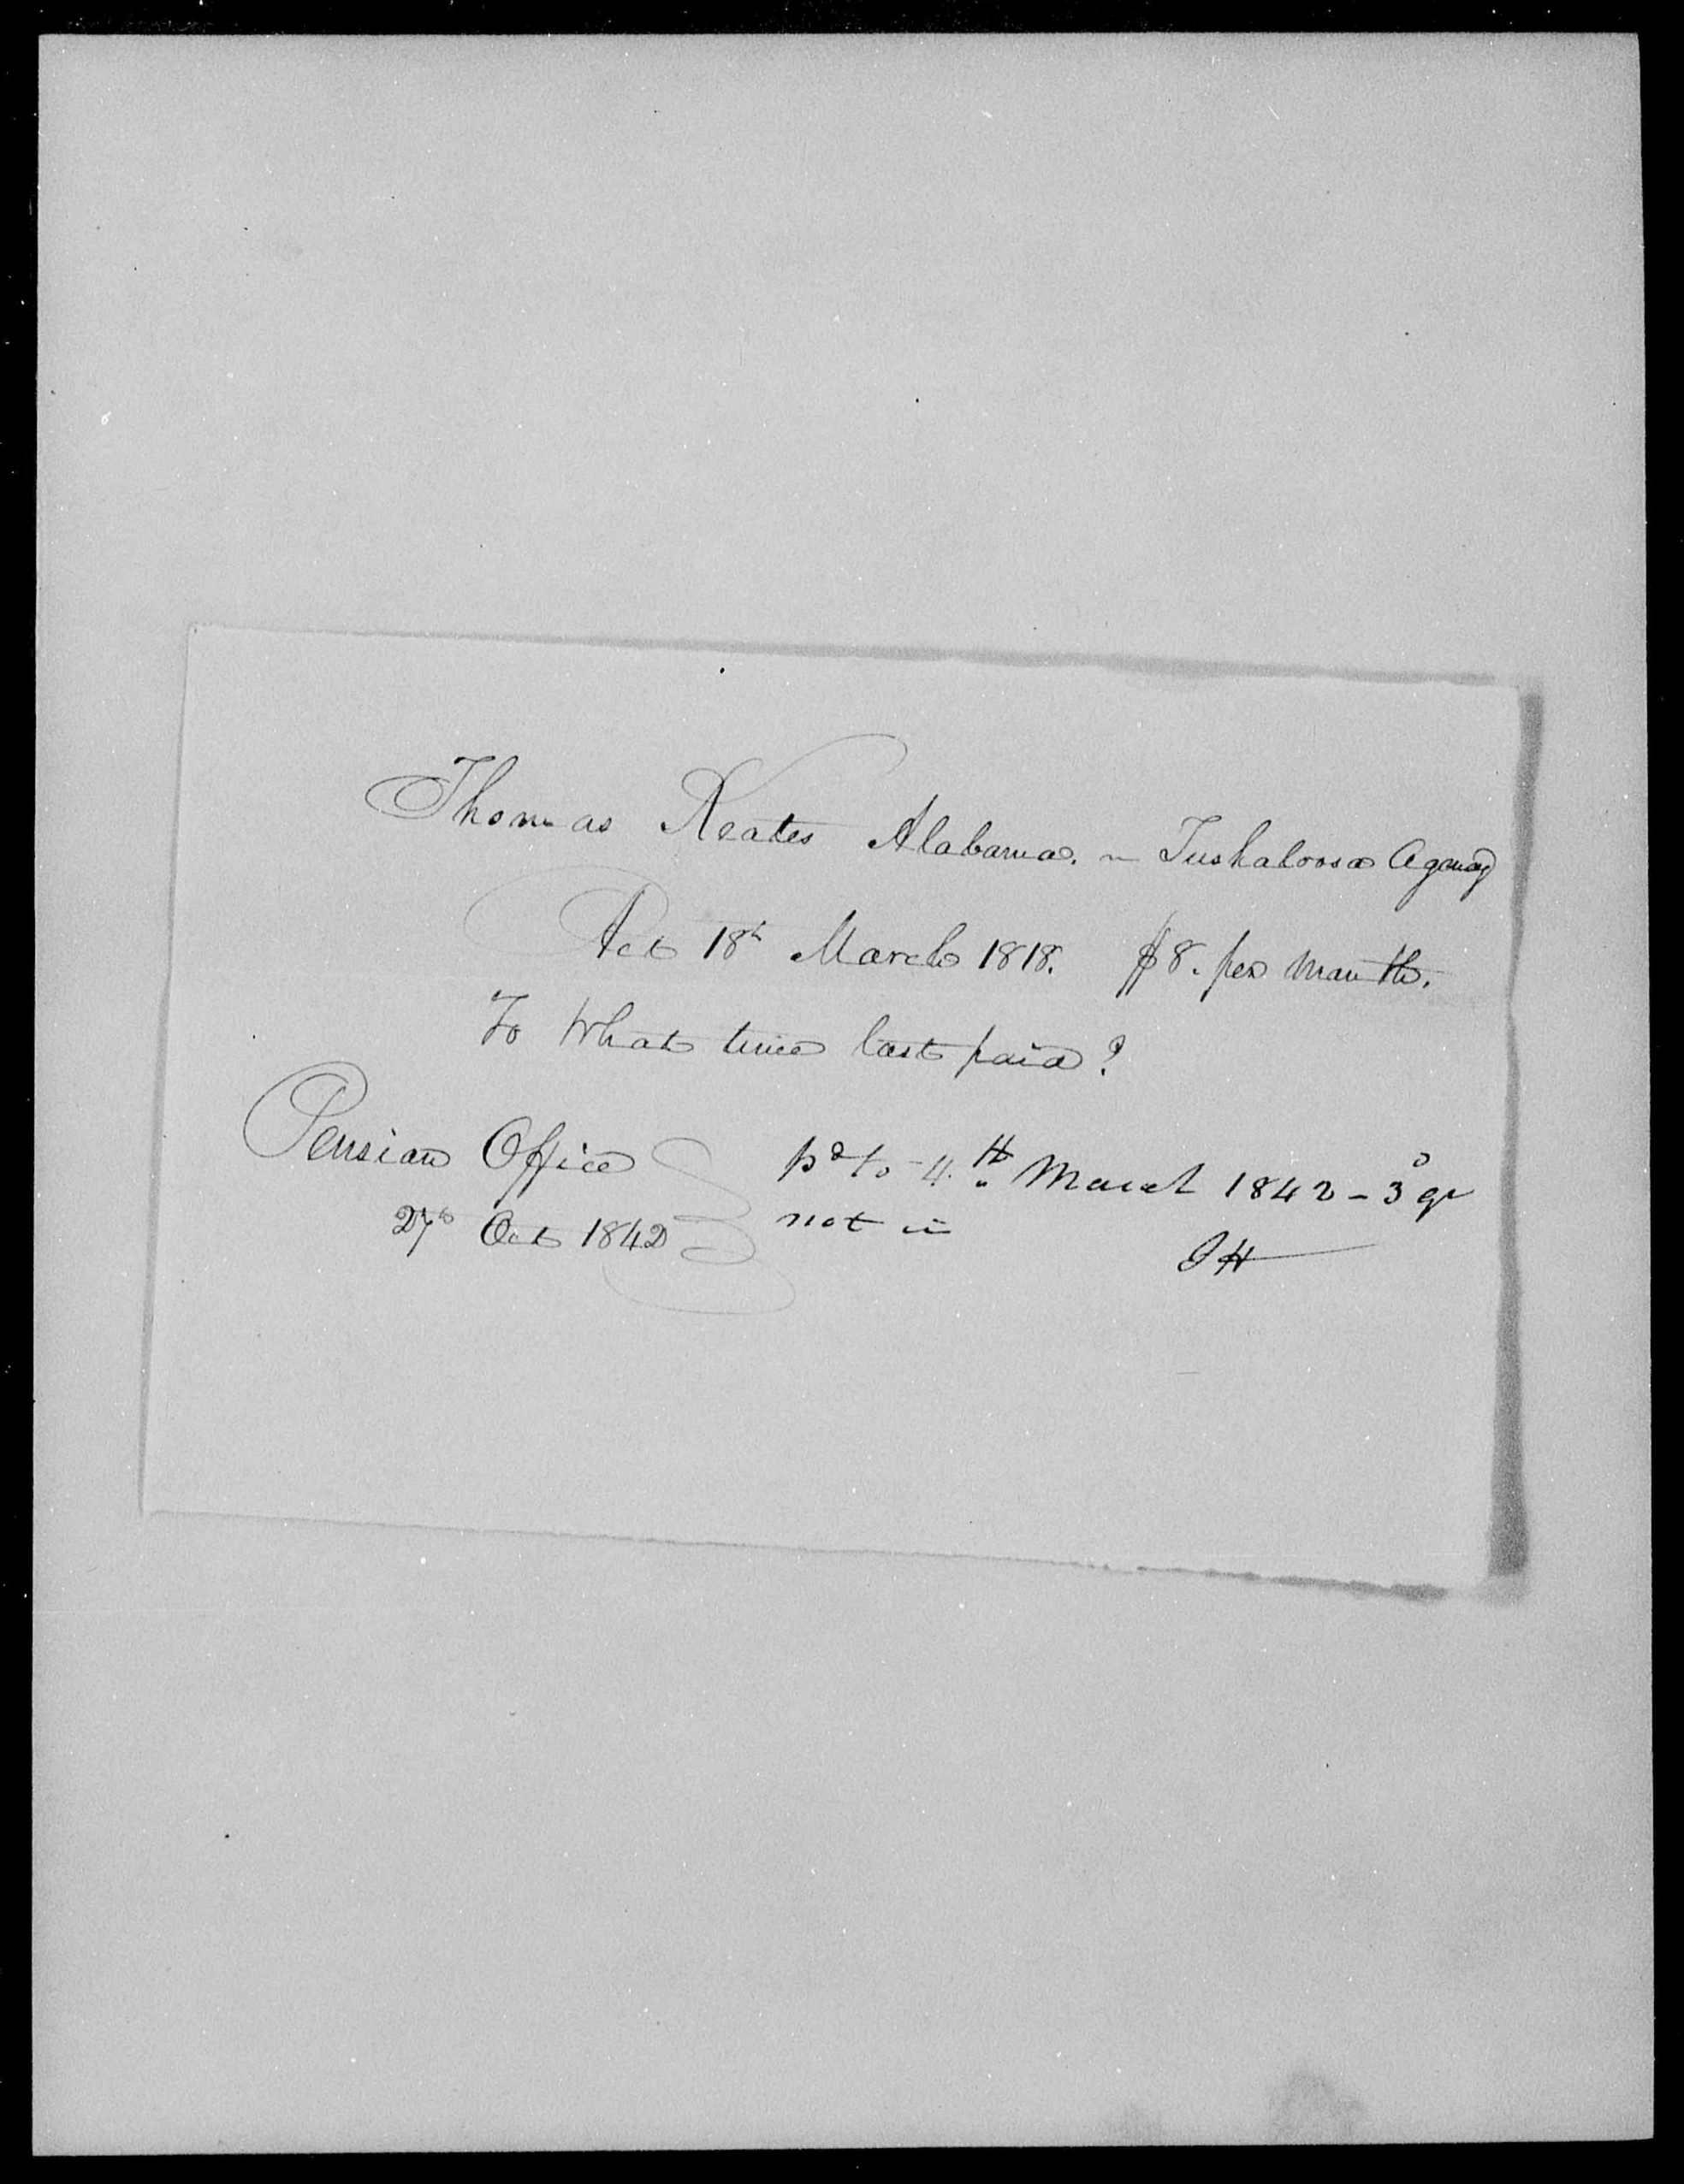Thomas Keates Alabama, in Tuskaloosa Agency
Rcd 18th March 1818.  $8. per month.
To what time last paid?

Pension Office      pd to 11th March 1842 3d gr
17th  Oct 1845       not in

                                           JH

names: Thomas Keates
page: 17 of 25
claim: survivor's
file: S. 38109, for Thomas Keates, Maryland